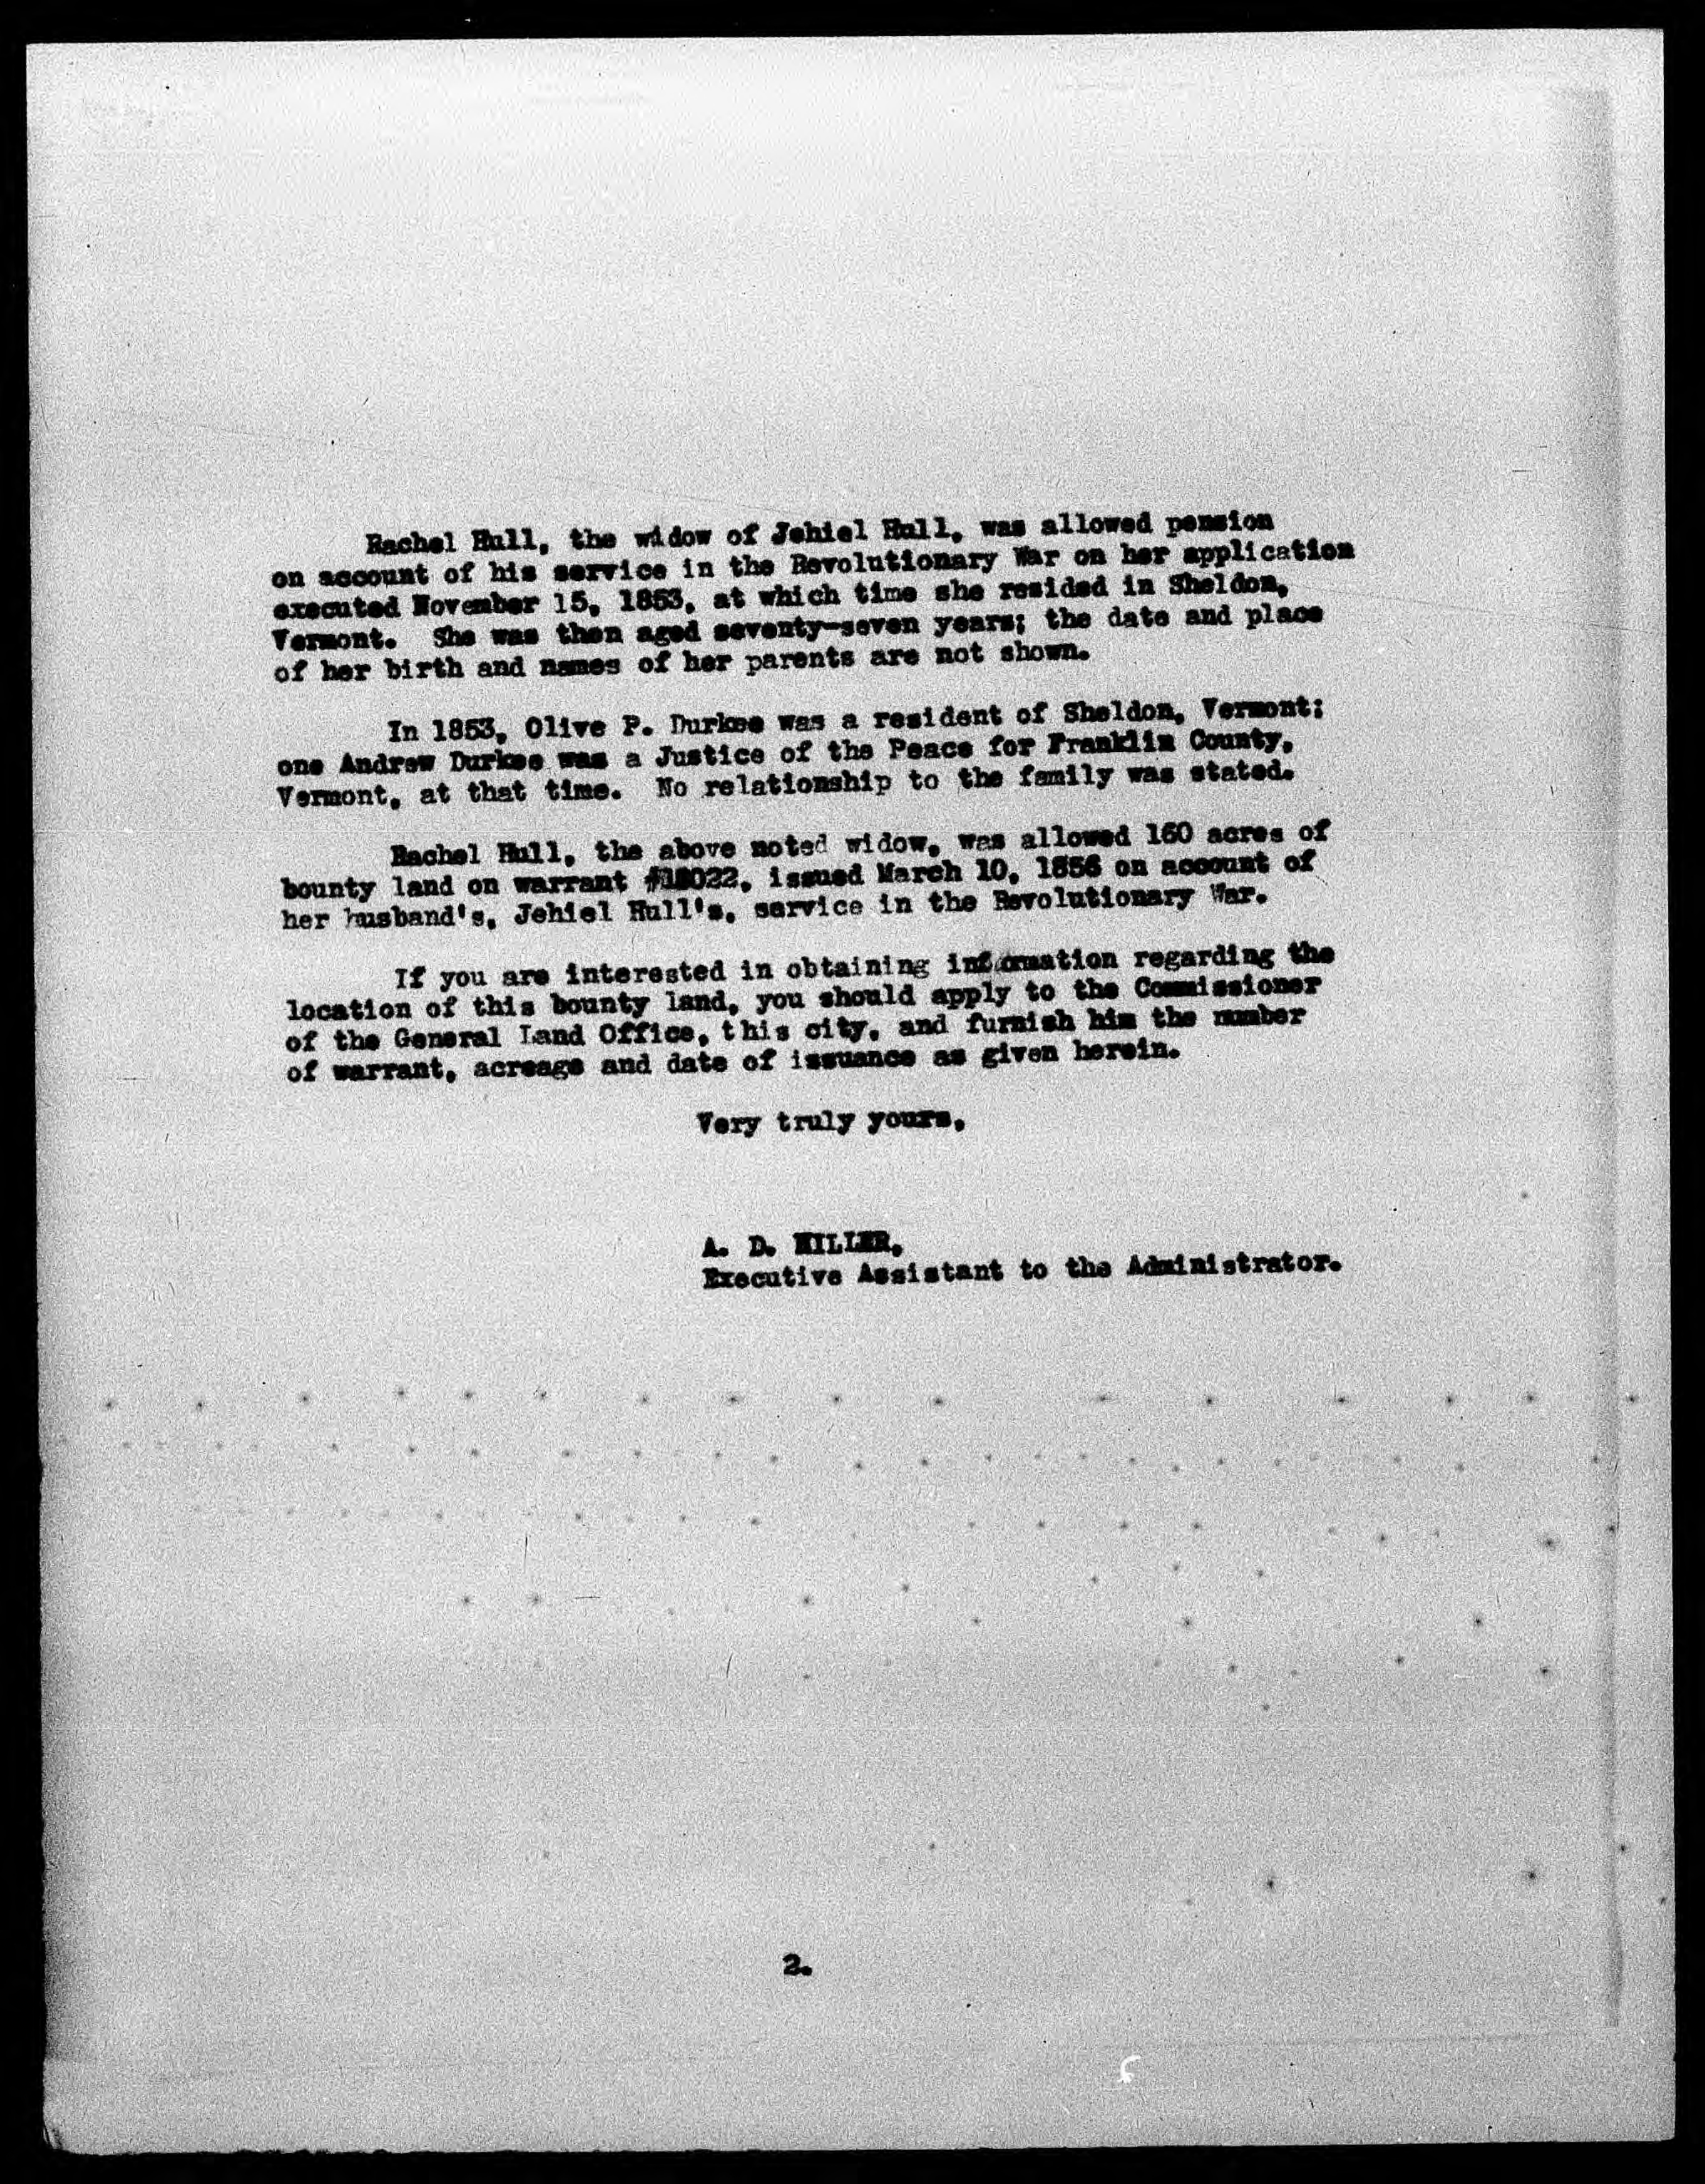Rachel Hull, the widow of Jehiel Hull, was allowed pension on account of his service in the Revolutionary War on her application executed November 15, 1853, at which time she resided in Sheldon, Vermont. She was then aged seventy-seven years; the date and place of her birth and names of her parents are not shown.

In 1853, Olive P. Durkee was a resident of Sheldon, Vermont; one Andrew Durkee was a Justice of the Peace for Franklin County, Vermont, at that time. No relationship to the family was stated.

Rachel Hull, the above noted widow, was allowed 160 acres of bounty land on warrant #18022, issued March 10, 1856 on account of her husband's, Jehiel Hull's, service in the Revolutionary War.

If you are interested in obtaining information regarding the location of this bounty land, you should apply to the Commissioner of the General Land Office, this city, and furnish him the number of warrant, acreage and date of issuance as given herein.

Very truly yours,
A. D. Miller
Executive Assistant to the Administrator.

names: Andrew Durkee, Rachel Hull, Jehiel Hull, Olive P Durkee, A D Hiller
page: 47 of 58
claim: widow's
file: W. 25813, Jehiel Hull, Conn.